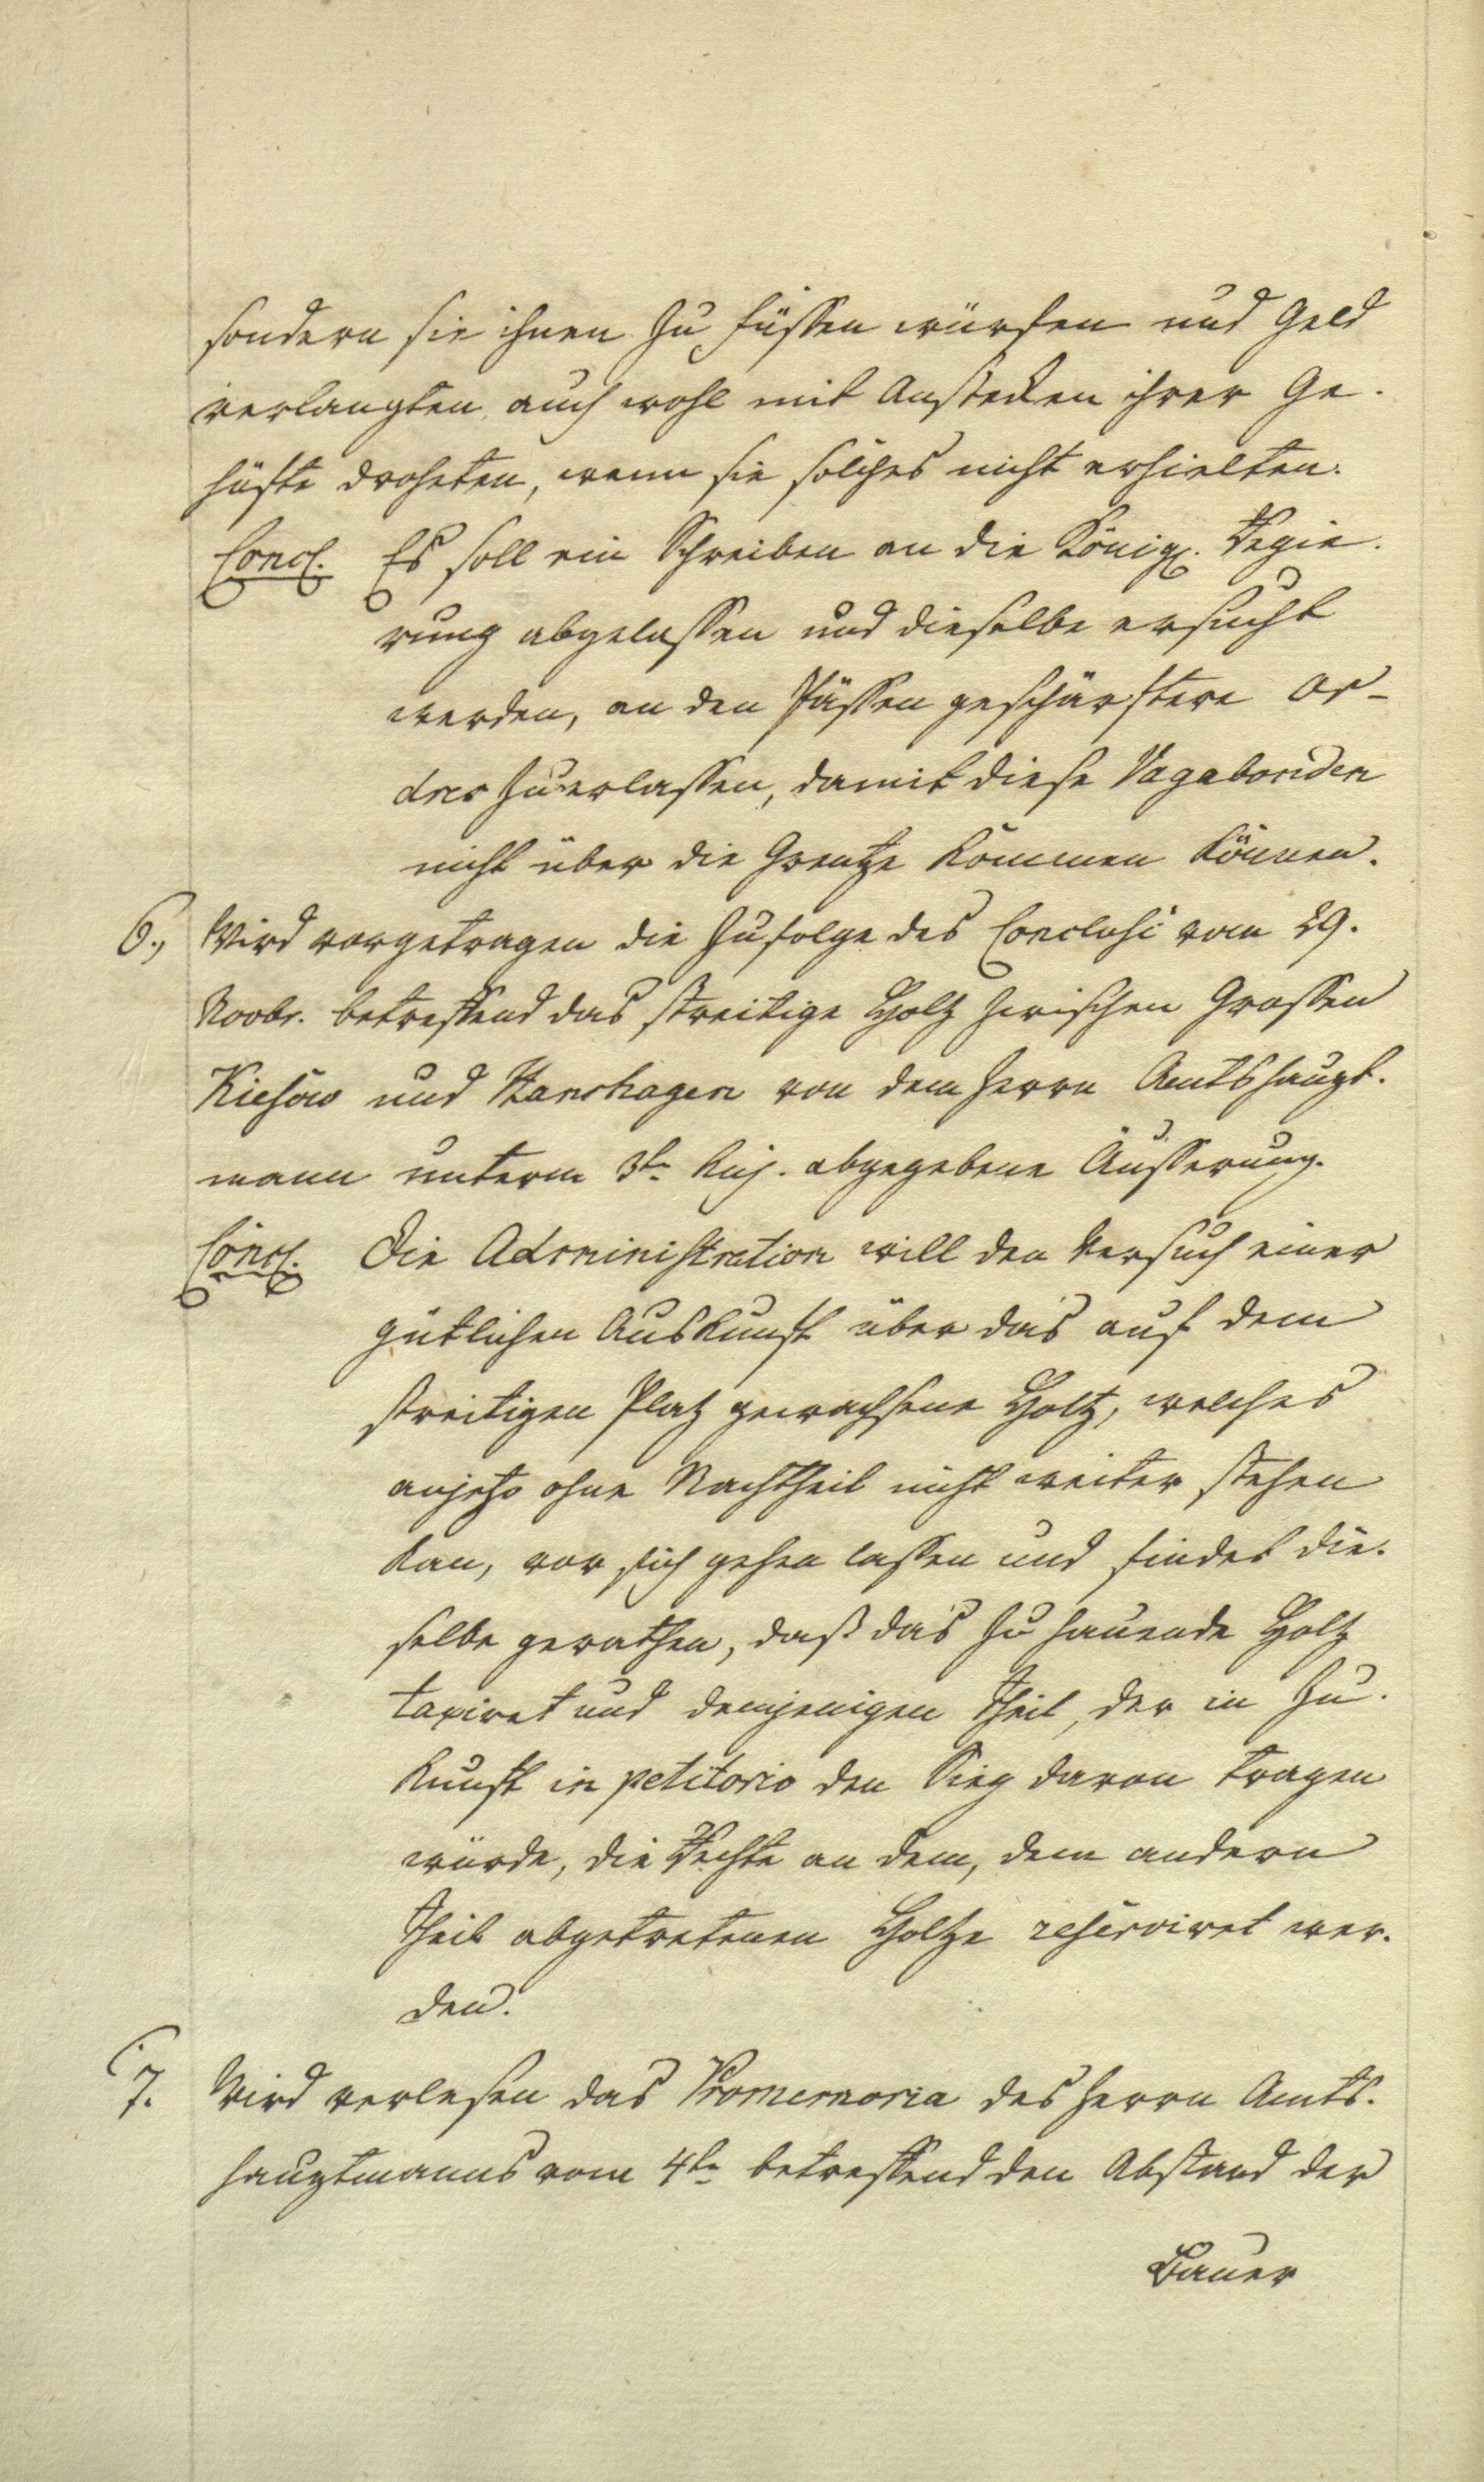sondern sie ihnen zu Füssen würfen und Geld
verlangten auch wohl mit Anstecken ihrer Ge¬
süfte droheten, wenn sie solches nicht erhielten.
Concl. Es soll ein Schreiben an die Königl. Regie¬
rung abgelassen und dieselbe ersucht
werden, an den Pässen geschärftere or¬
dres zuerlassen, damit diese Vagabonden
nicht über die Grentze kommen können.
6., Wird vorgetragen die zufolge des Conclusi vom 29.
Novbr. betreffend das streitige Holz zwischen Grossen
Kiesow und Hanshagen von dem Herrn Amtshaupt¬
mann unterm 3 t huj. abgegebene Äusserung.
Concl. Die Administration will den Versuch einer
gütlichen Auskunft über das auf dem
streitigen Plaz gewachsene Holtz, welches
anjetzo ohne Nachtheil nicht weiter stehen
kan, vor sich gehen lassen und findet die¬
selbe gerathen, daß das zu hauende Holz
taxiret und denjenigen Theil, der in Zu¬
kunft in petitorio den Sieg davon tragen
würde, die Rechte an dem, dem andern
Theil abgetretenen Holze reserviret wer¬
den.
7. Wird verlesen das Promemoria des Herrn Amts¬
hauptmanns vom 4 te betreffend den Abstand der
Bauer